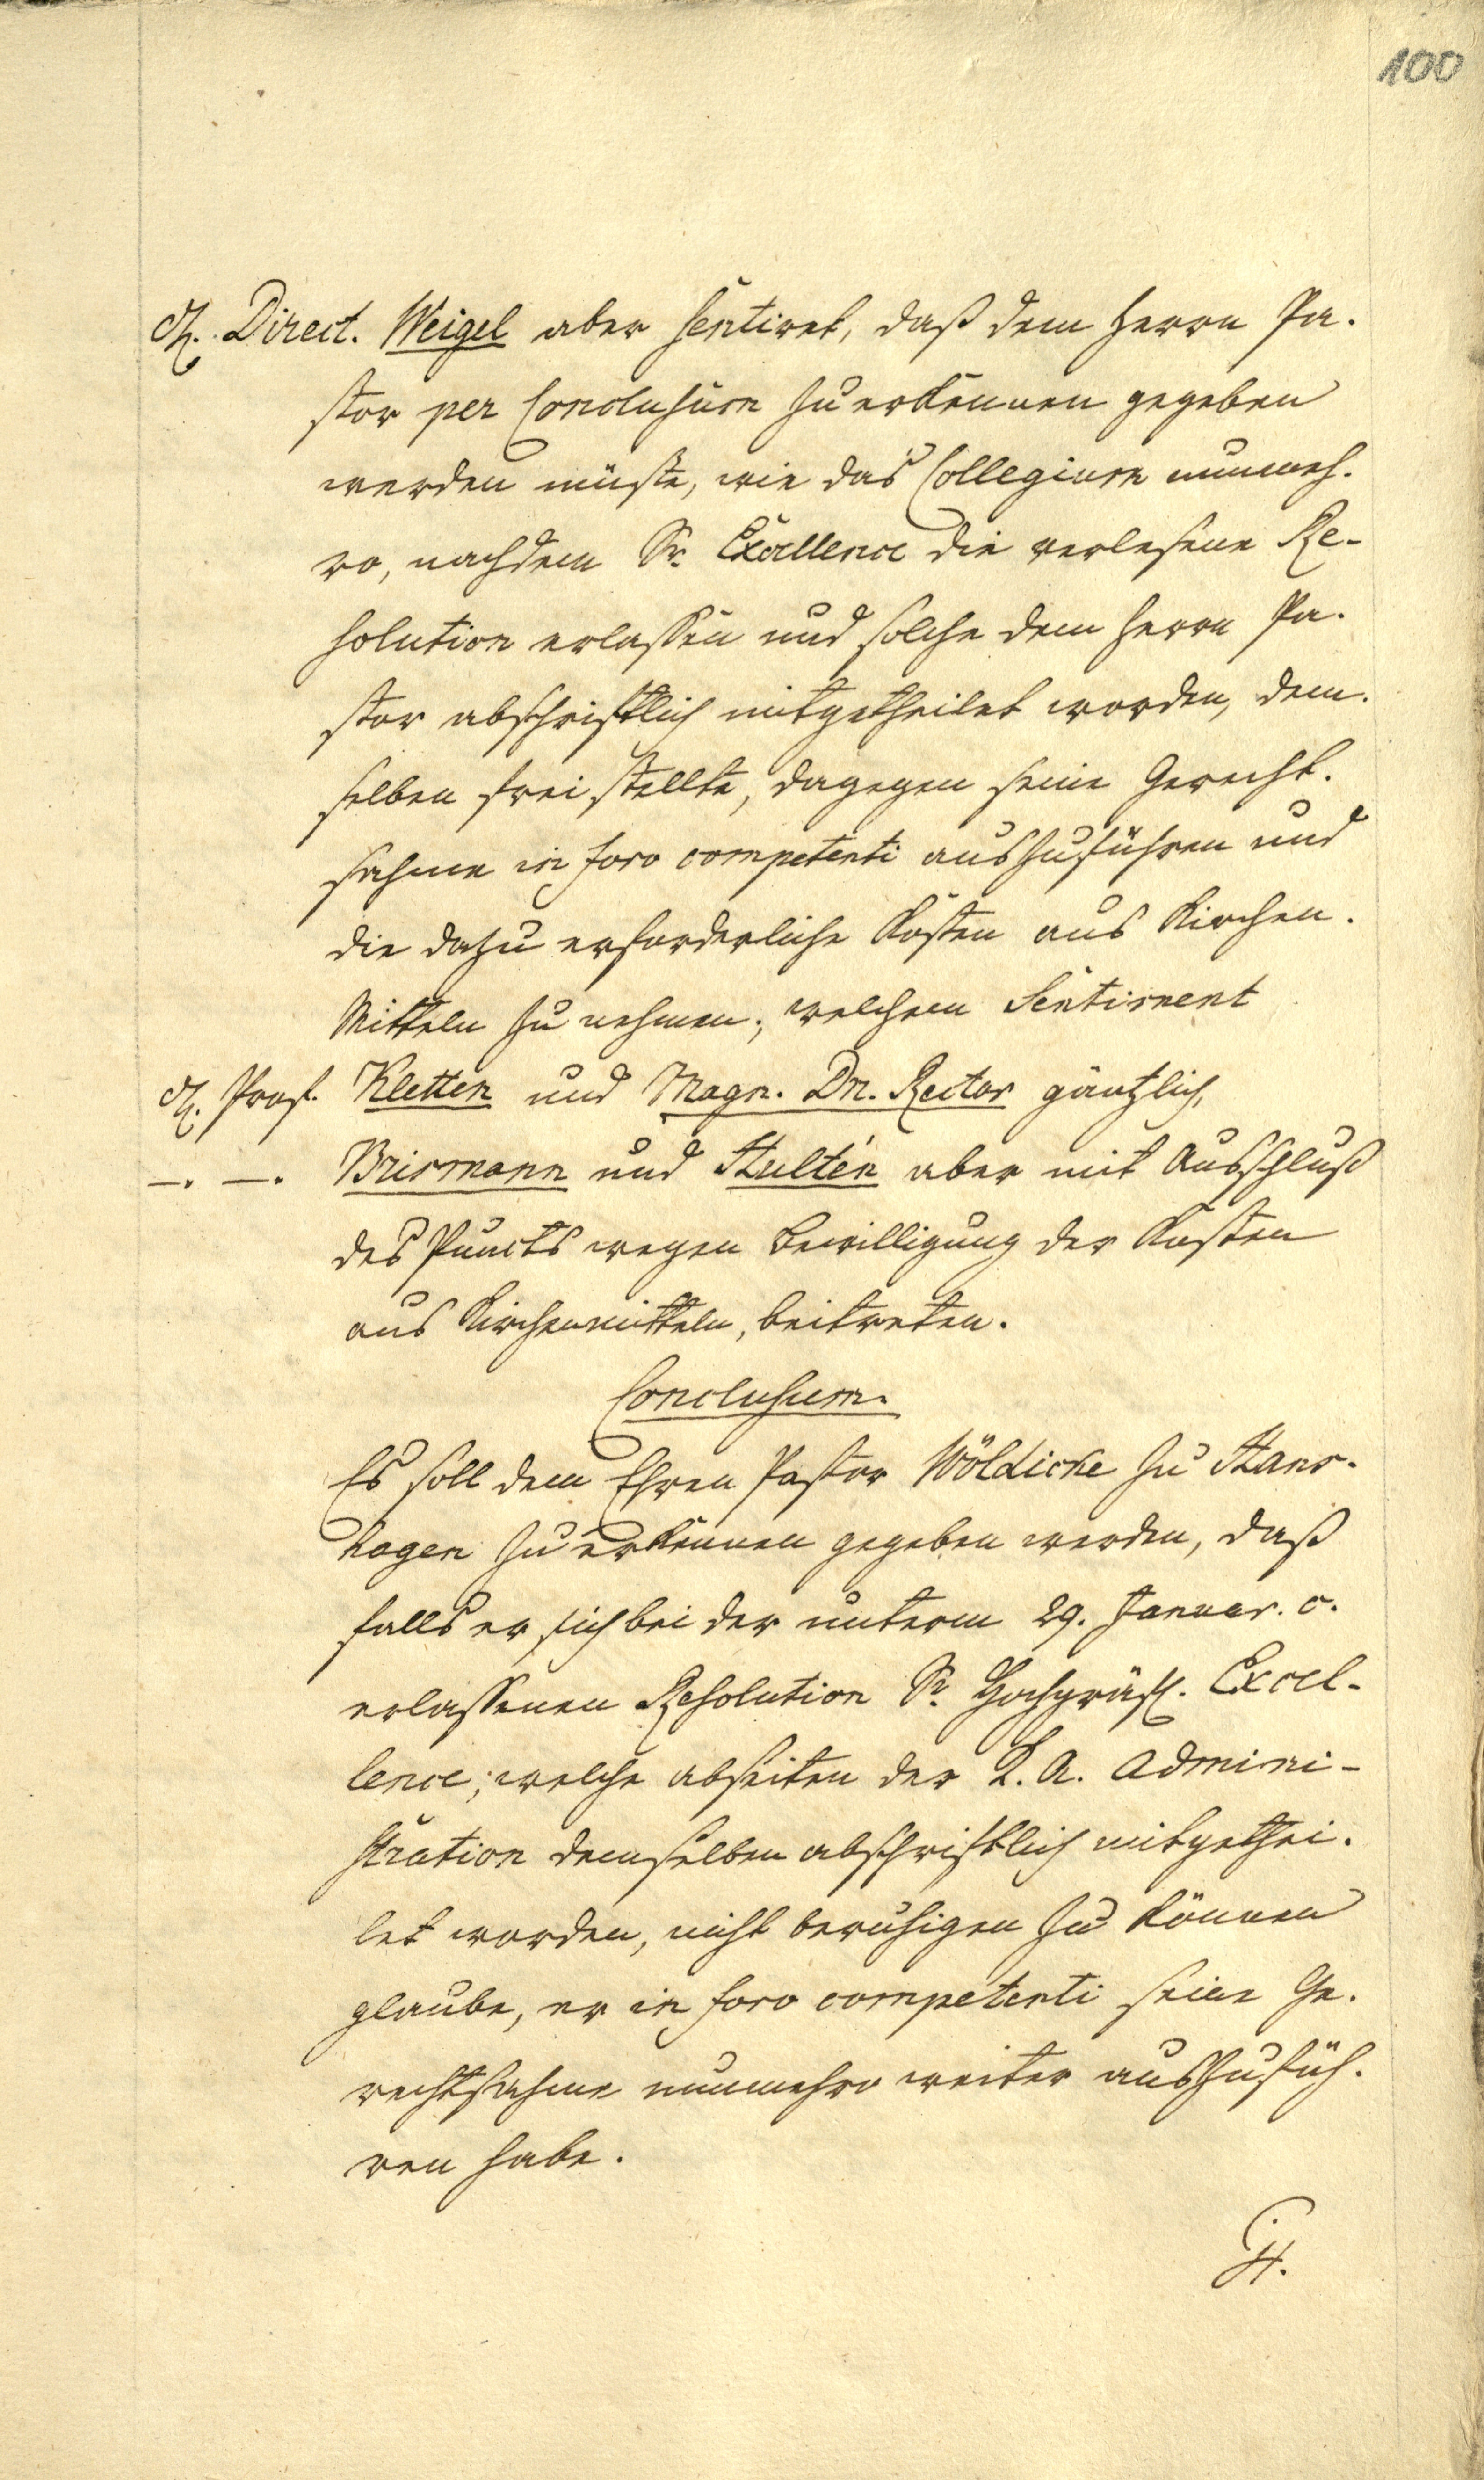dh. Direct. Weigel aber sentiret, daß dem Herrn Pa¬
stor per Conclusum zu erkennen gegeben
werden müßte, wie das Collegium nunmeh¬
ro, nachdem Sr Excellence die verlesene Re¬
solution erlassen und solche dem Herrn Pa¬
stor abschriftlich mitgetheilet worden, dem¬
selben frei stellet, dagegen seine Gerecht¬
sahme in foro competenti auszuführen und
die dazu erforderlichen Kosten aus Kirchen¬
Mittelm zu nehmen, welchem Sentiment
dh. Prof. Kletten und Magn. Dn. Rector gäntzlich,
Brismann und Hultén aber mit Ausschluß
des Puncts wegen Bewilligung der Kosten
aus Kirchenmitteln, beitreten.
Conclusum
Es soll dem Ehren Pastor Wöldicke zu Hans¬
hagen zu erkennen gegeben werden, daß
falls er sich bei der unterm 29. Januar c.
erlassenen Resolution Sr. Hochgräfl. Excel¬
lence, welche abseiten der K. A. Admini¬
stration demselben abschriftlich mitgethei-
let worden, nicht beruhigen zu können
glaube, er in foro competenti seine Ge¬
rechtsahme nunmehro weiter auszufüh¬
ren habe.
4.